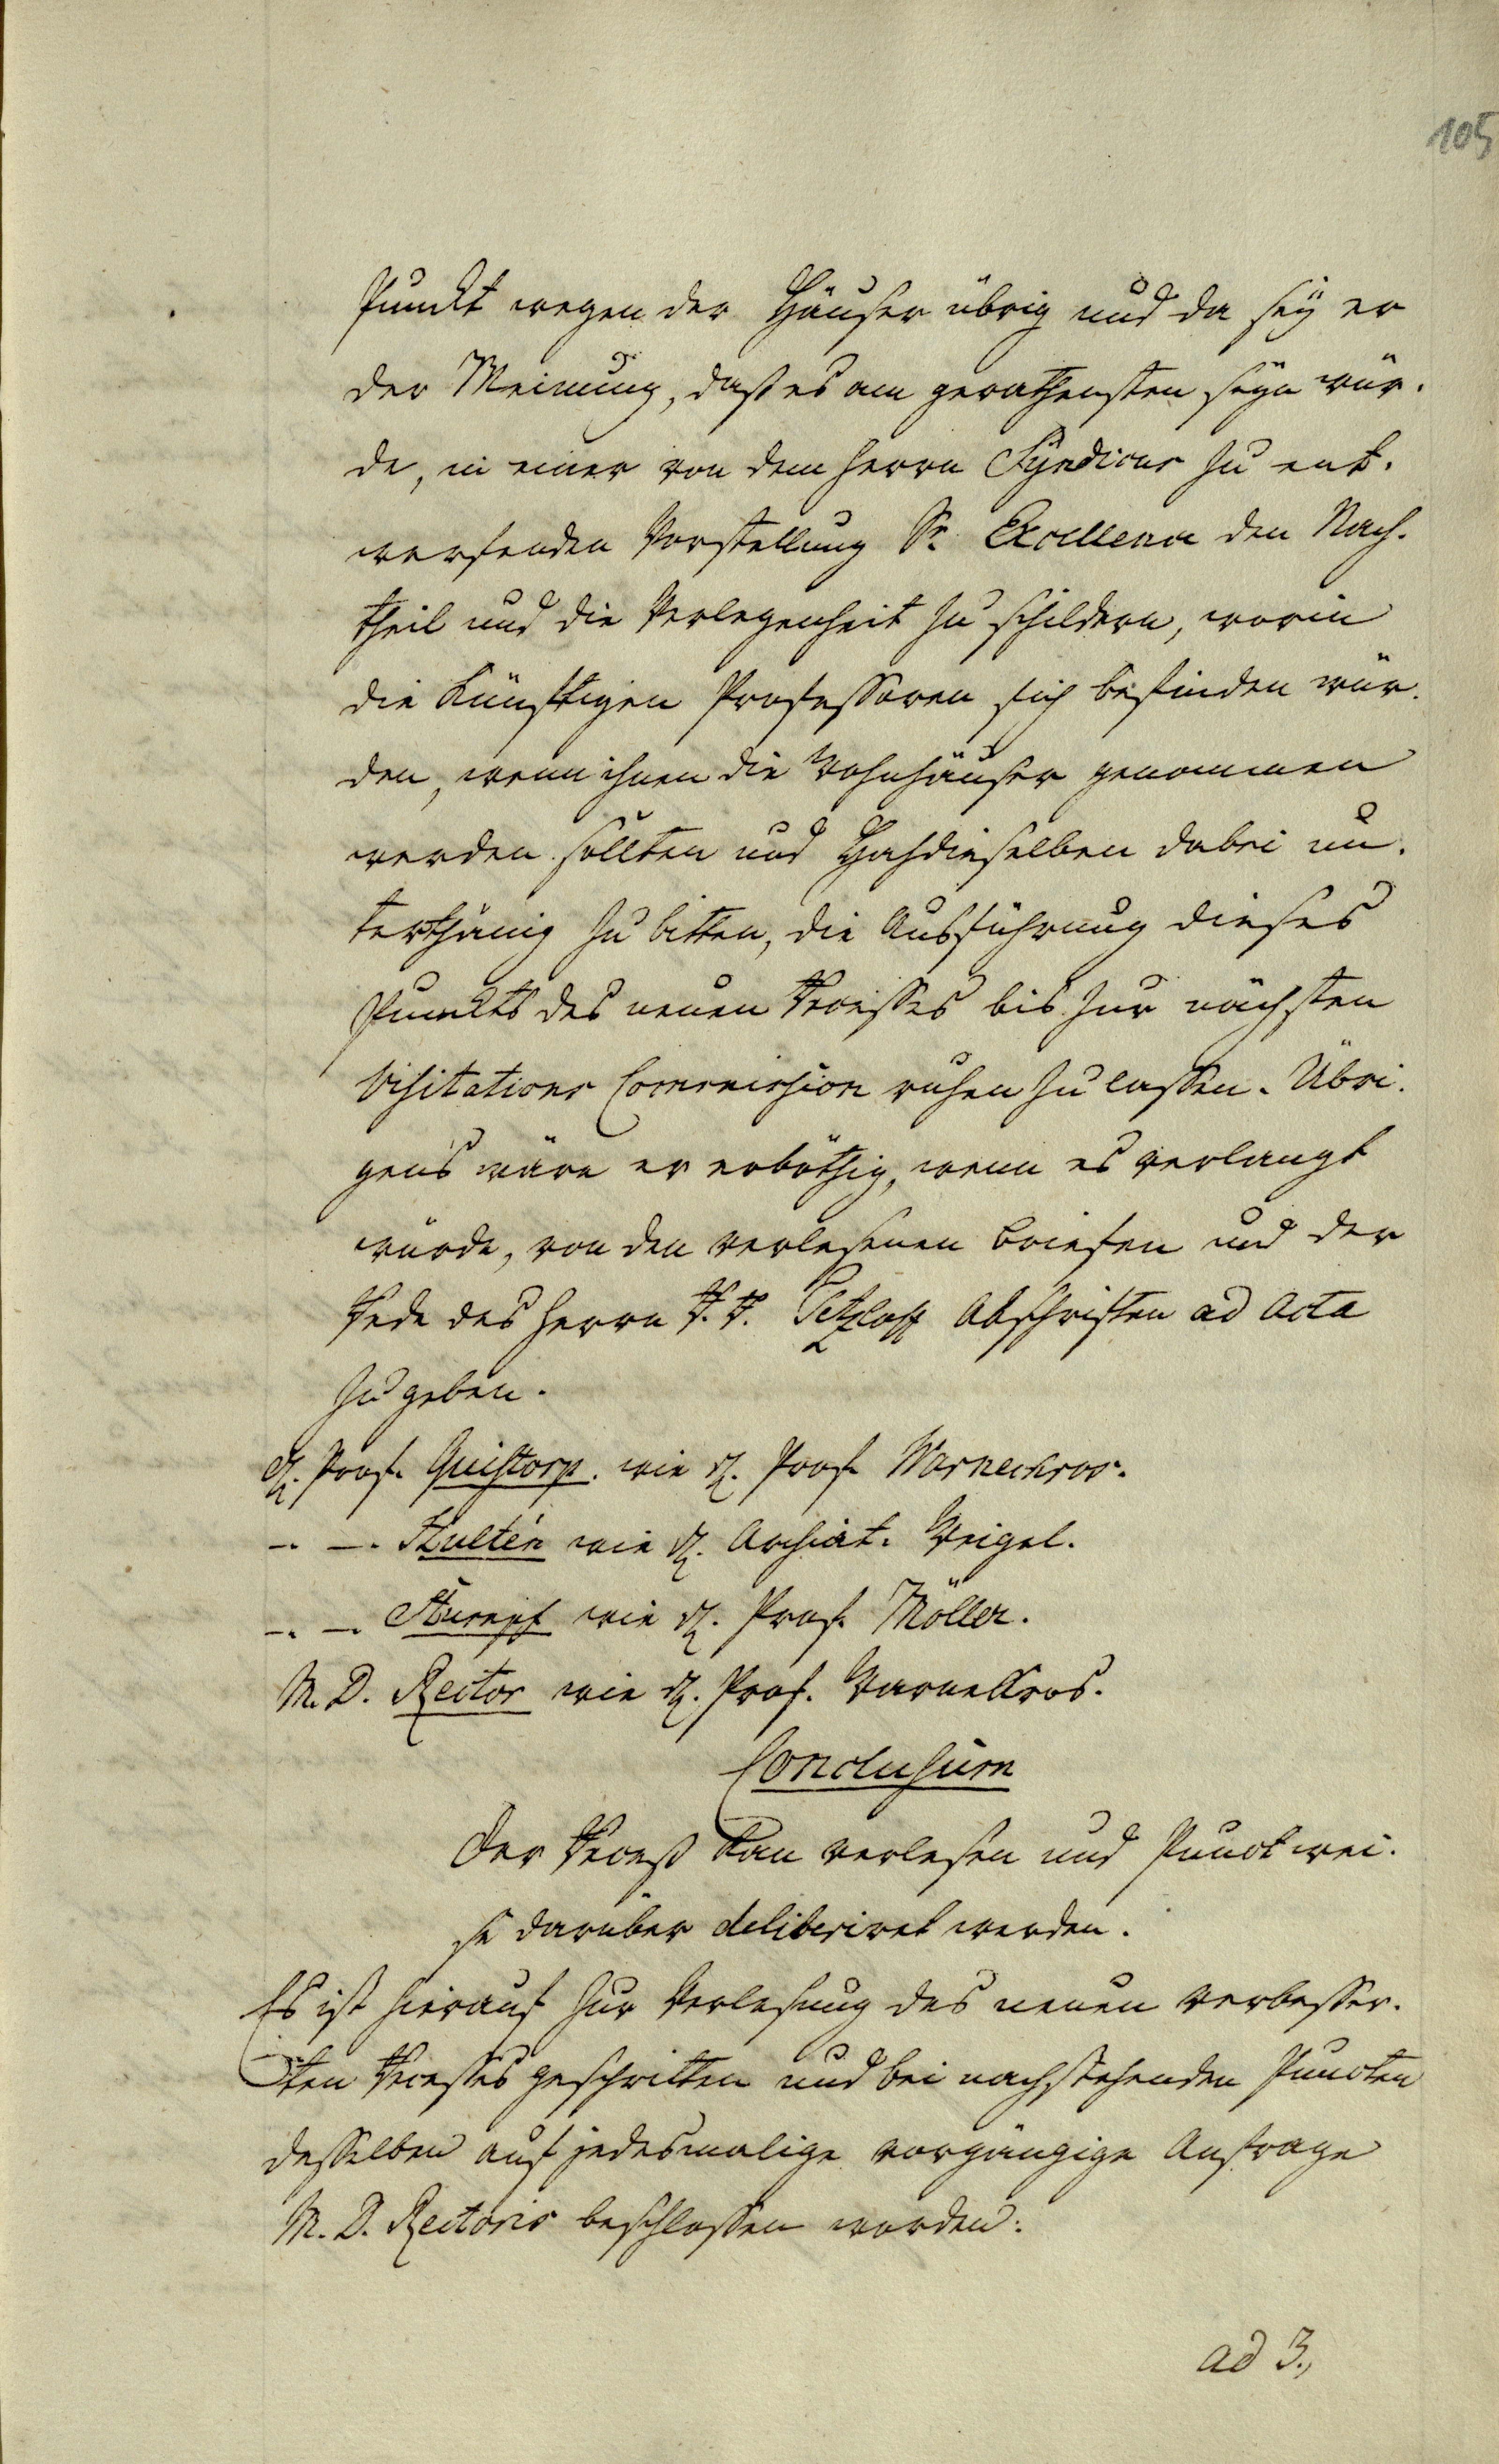Punkt wegen der Häuser übrig und da seÿ er
der Meinung, daß es am gerathensten seÿn wür¬
de, in einer von dem Herrn Sÿndicus zu ent¬
werfenden Vorstellung Sr Excellence den Nach¬
theil und die Verlegenheit zu schildern, worin
die künftigen Professoren sich befinden wür¬
den, wenn ihnen die Wohnhäuser genommen
werden sollten und Hochdieselben dabei un¬
terthänig zu bitten, die Ausführung dieses
Punckts des neuen Recesses bis zur nächsten
Visitations Commission ruhen zu lassen. Übri¬
gens wäre er erböthig, wenn es verlangt
würde, von den verlesenen Briefen und der
Rede des Herrn R. R. Tetzloff Abschriften ad Acta
zu geben.
dh. Prof. Quistorp. wie dh. Prof. Warneckros.
Hultén wie dh. Archiät. Weigel.
Stumpf. wie dh. Prof. Möller.
M. D. Rector wie dh. Prof. Warnekros.
Conclusum
Der Receß kan verlesen und Punktwei¬
se darüber deliberiret werden.
Es ist hierauf zur Vorlesung des neuen verbesser¬
ten Recesses geschritten und bei nachstehenden Puncten
desselben auf jedesmalige vorgängige Anfrage
M. D. Rectoris beschlossen worden.
ad. 3.,